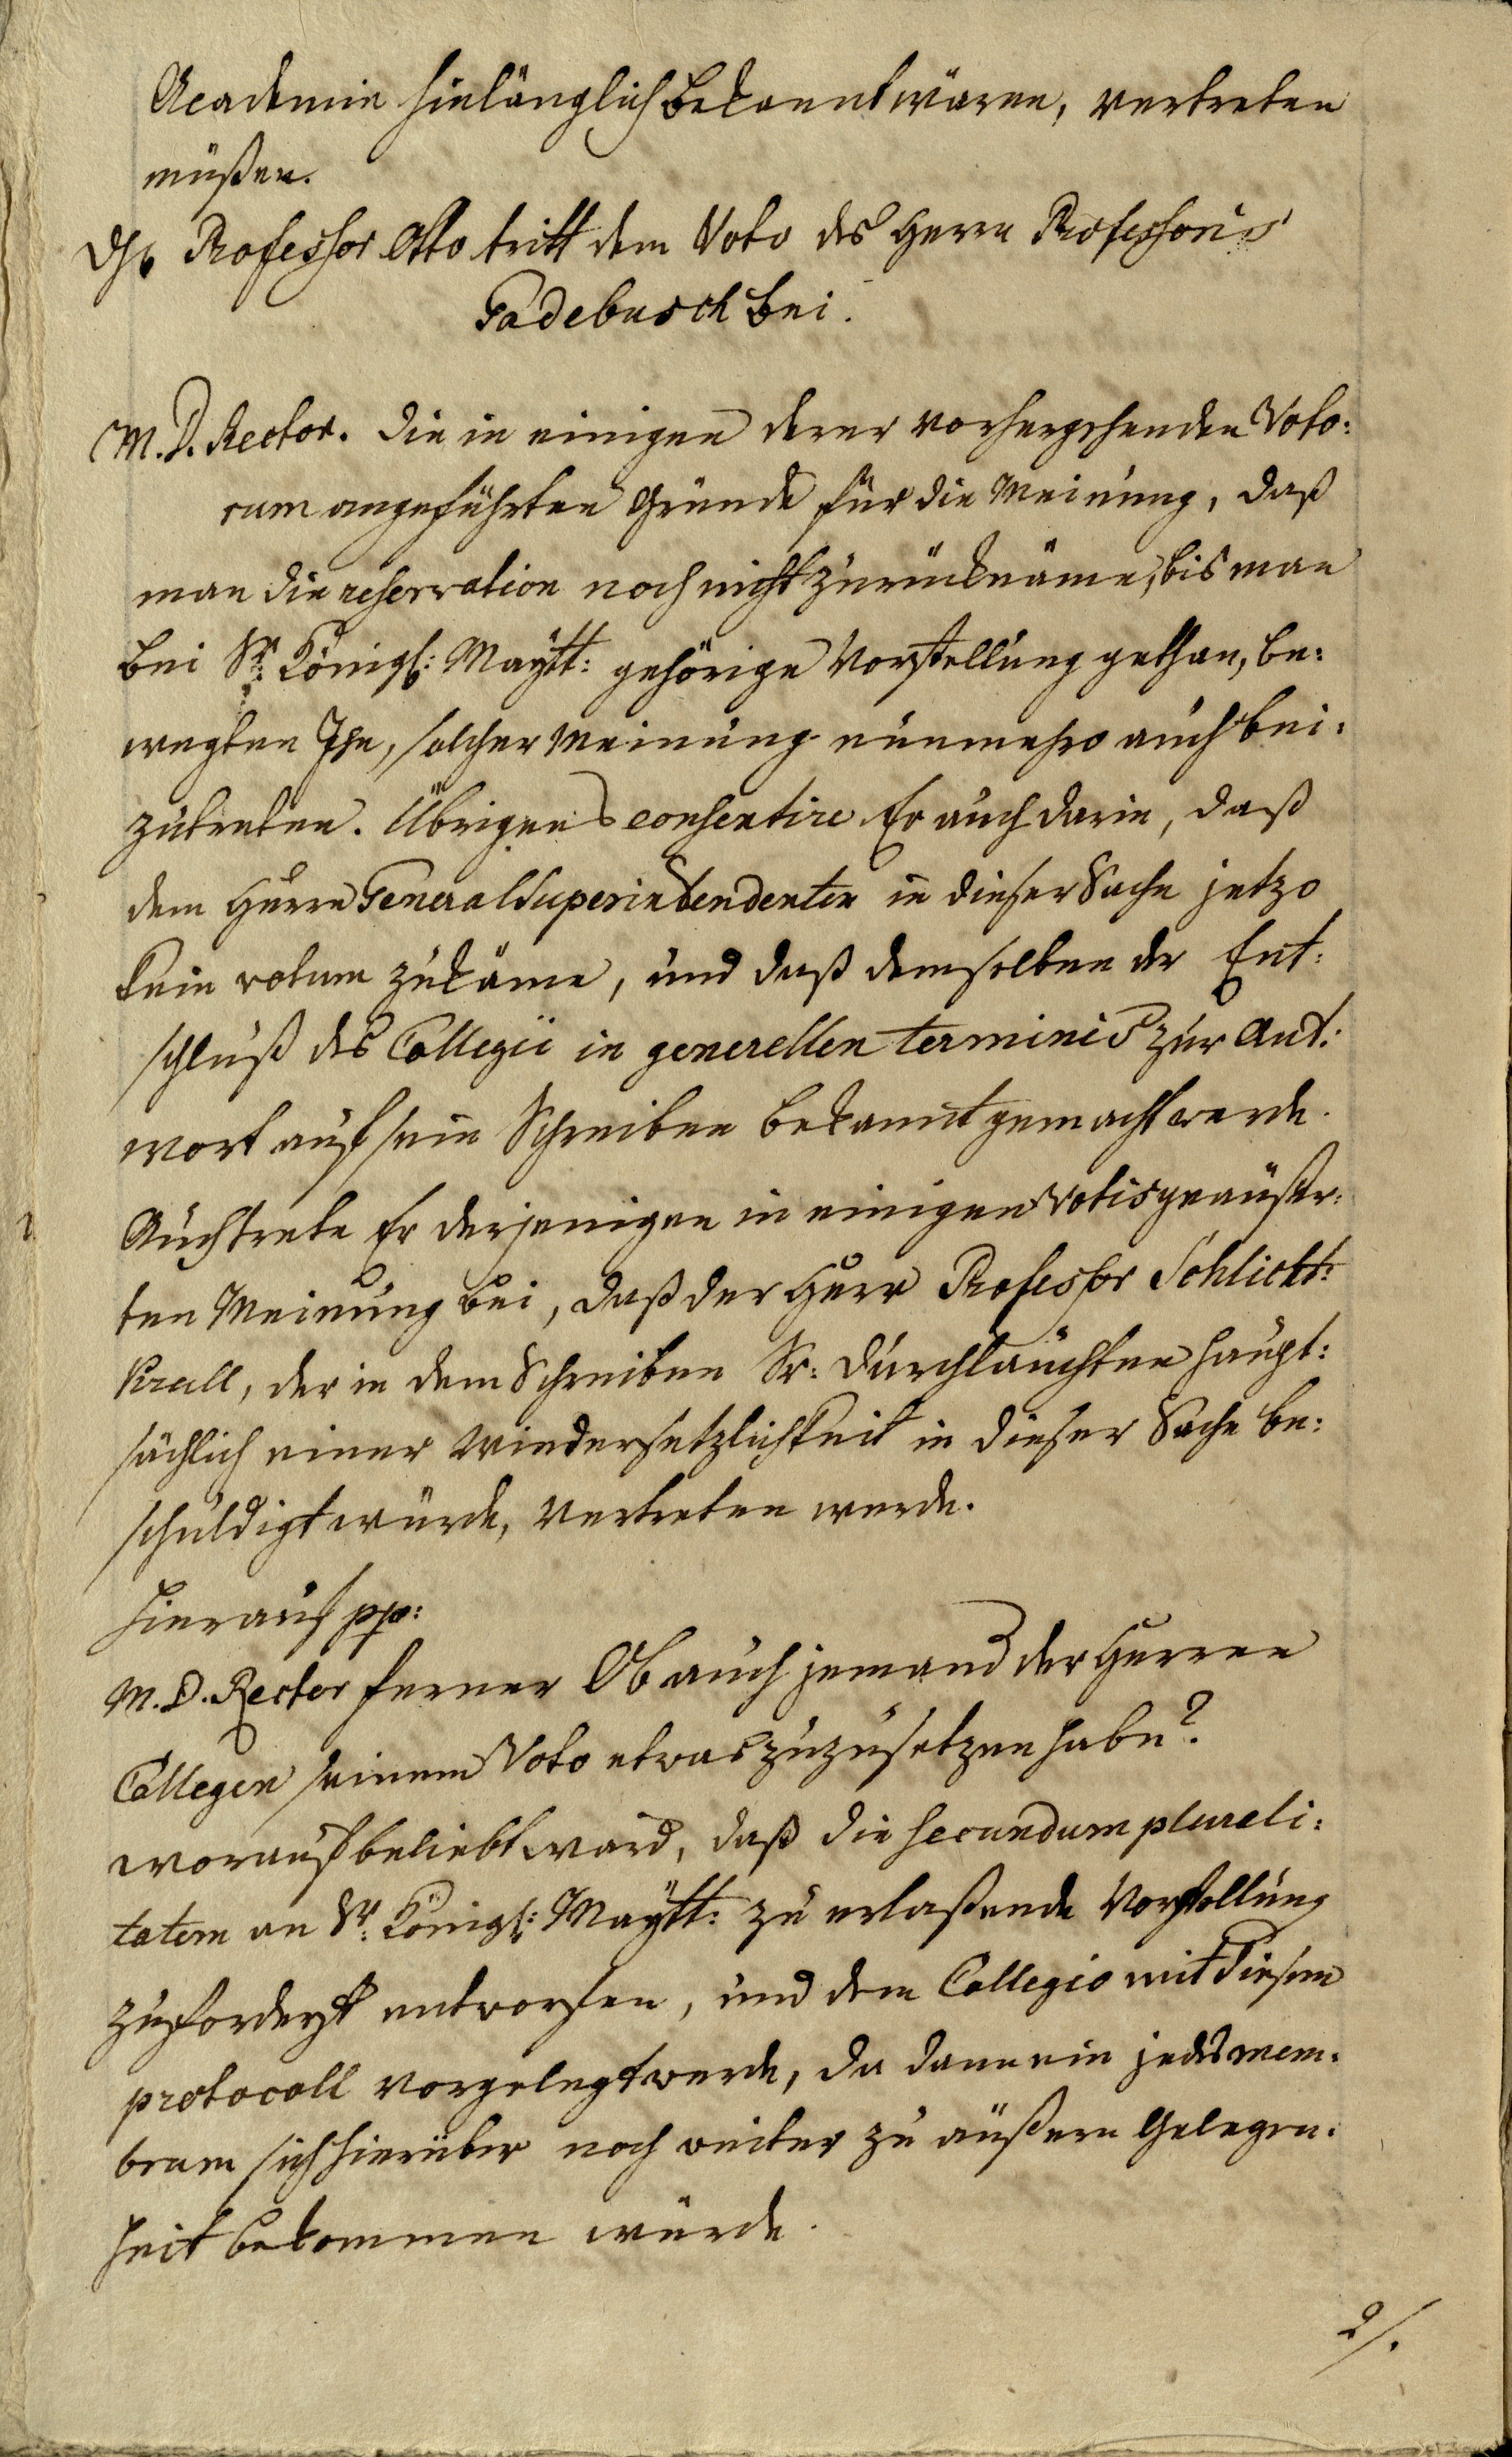Academie hinlänglich bekannt wären, vertreten
müßen.
dh Professor Otto tritt dem Voto des Herrn Professoris
Gadebusch bei.
M. D. Rector. Die in einigen derer vorhergehenden Voto¬
rum angeführten Gründe für die Meinung, daß
man die reservation noch nicht zurücknäme, bis man
bei Sr. Königl. Maÿtt. gehörige Vorstellung gethan, be¬
wegten Ihn, solcher Meinung nunmehro auch bei¬
zutreten. Übrigens consentire Er auch darin, daß
dem Herrn GeneralSuperintendenten in dieser Sache jetzo
kein votum zukäme, und daß demselben der Ent¬
schluß des Collegii in generellen terminis zur Ant¬
wort auf sein Schreiben bekannt gemacht werde.
Auch trete Er derjenigen in einigen Votis geäußer¬
ten Meinung bei, daß der Herr Professor Schlicht¬
krull, der in dem Schreiben Sr. Durchlauchten haupt¬
hächlich einer Wiedersetzlichkeit in dieser Sache be¬
schuldigt würde, verreten werde.
hierauf pp.
M. D. Rector ferner Ob auch jemand der Herren
Collegen seinem Voto etwas zuzusetzen habe?
worauf beliebt ward, daß die secundum plurali¬
tatem an Sr. Königl. Maÿtt. zu erlaßende Vorstellung
zuforderst entworfen, und dem Collegio mit diesem
protocoll vorgelegt werde, da dann ein jedes mem¬
brum sich hierüber noch weiter zu äußern Gelegen¬
heit bekommen würde.
2.